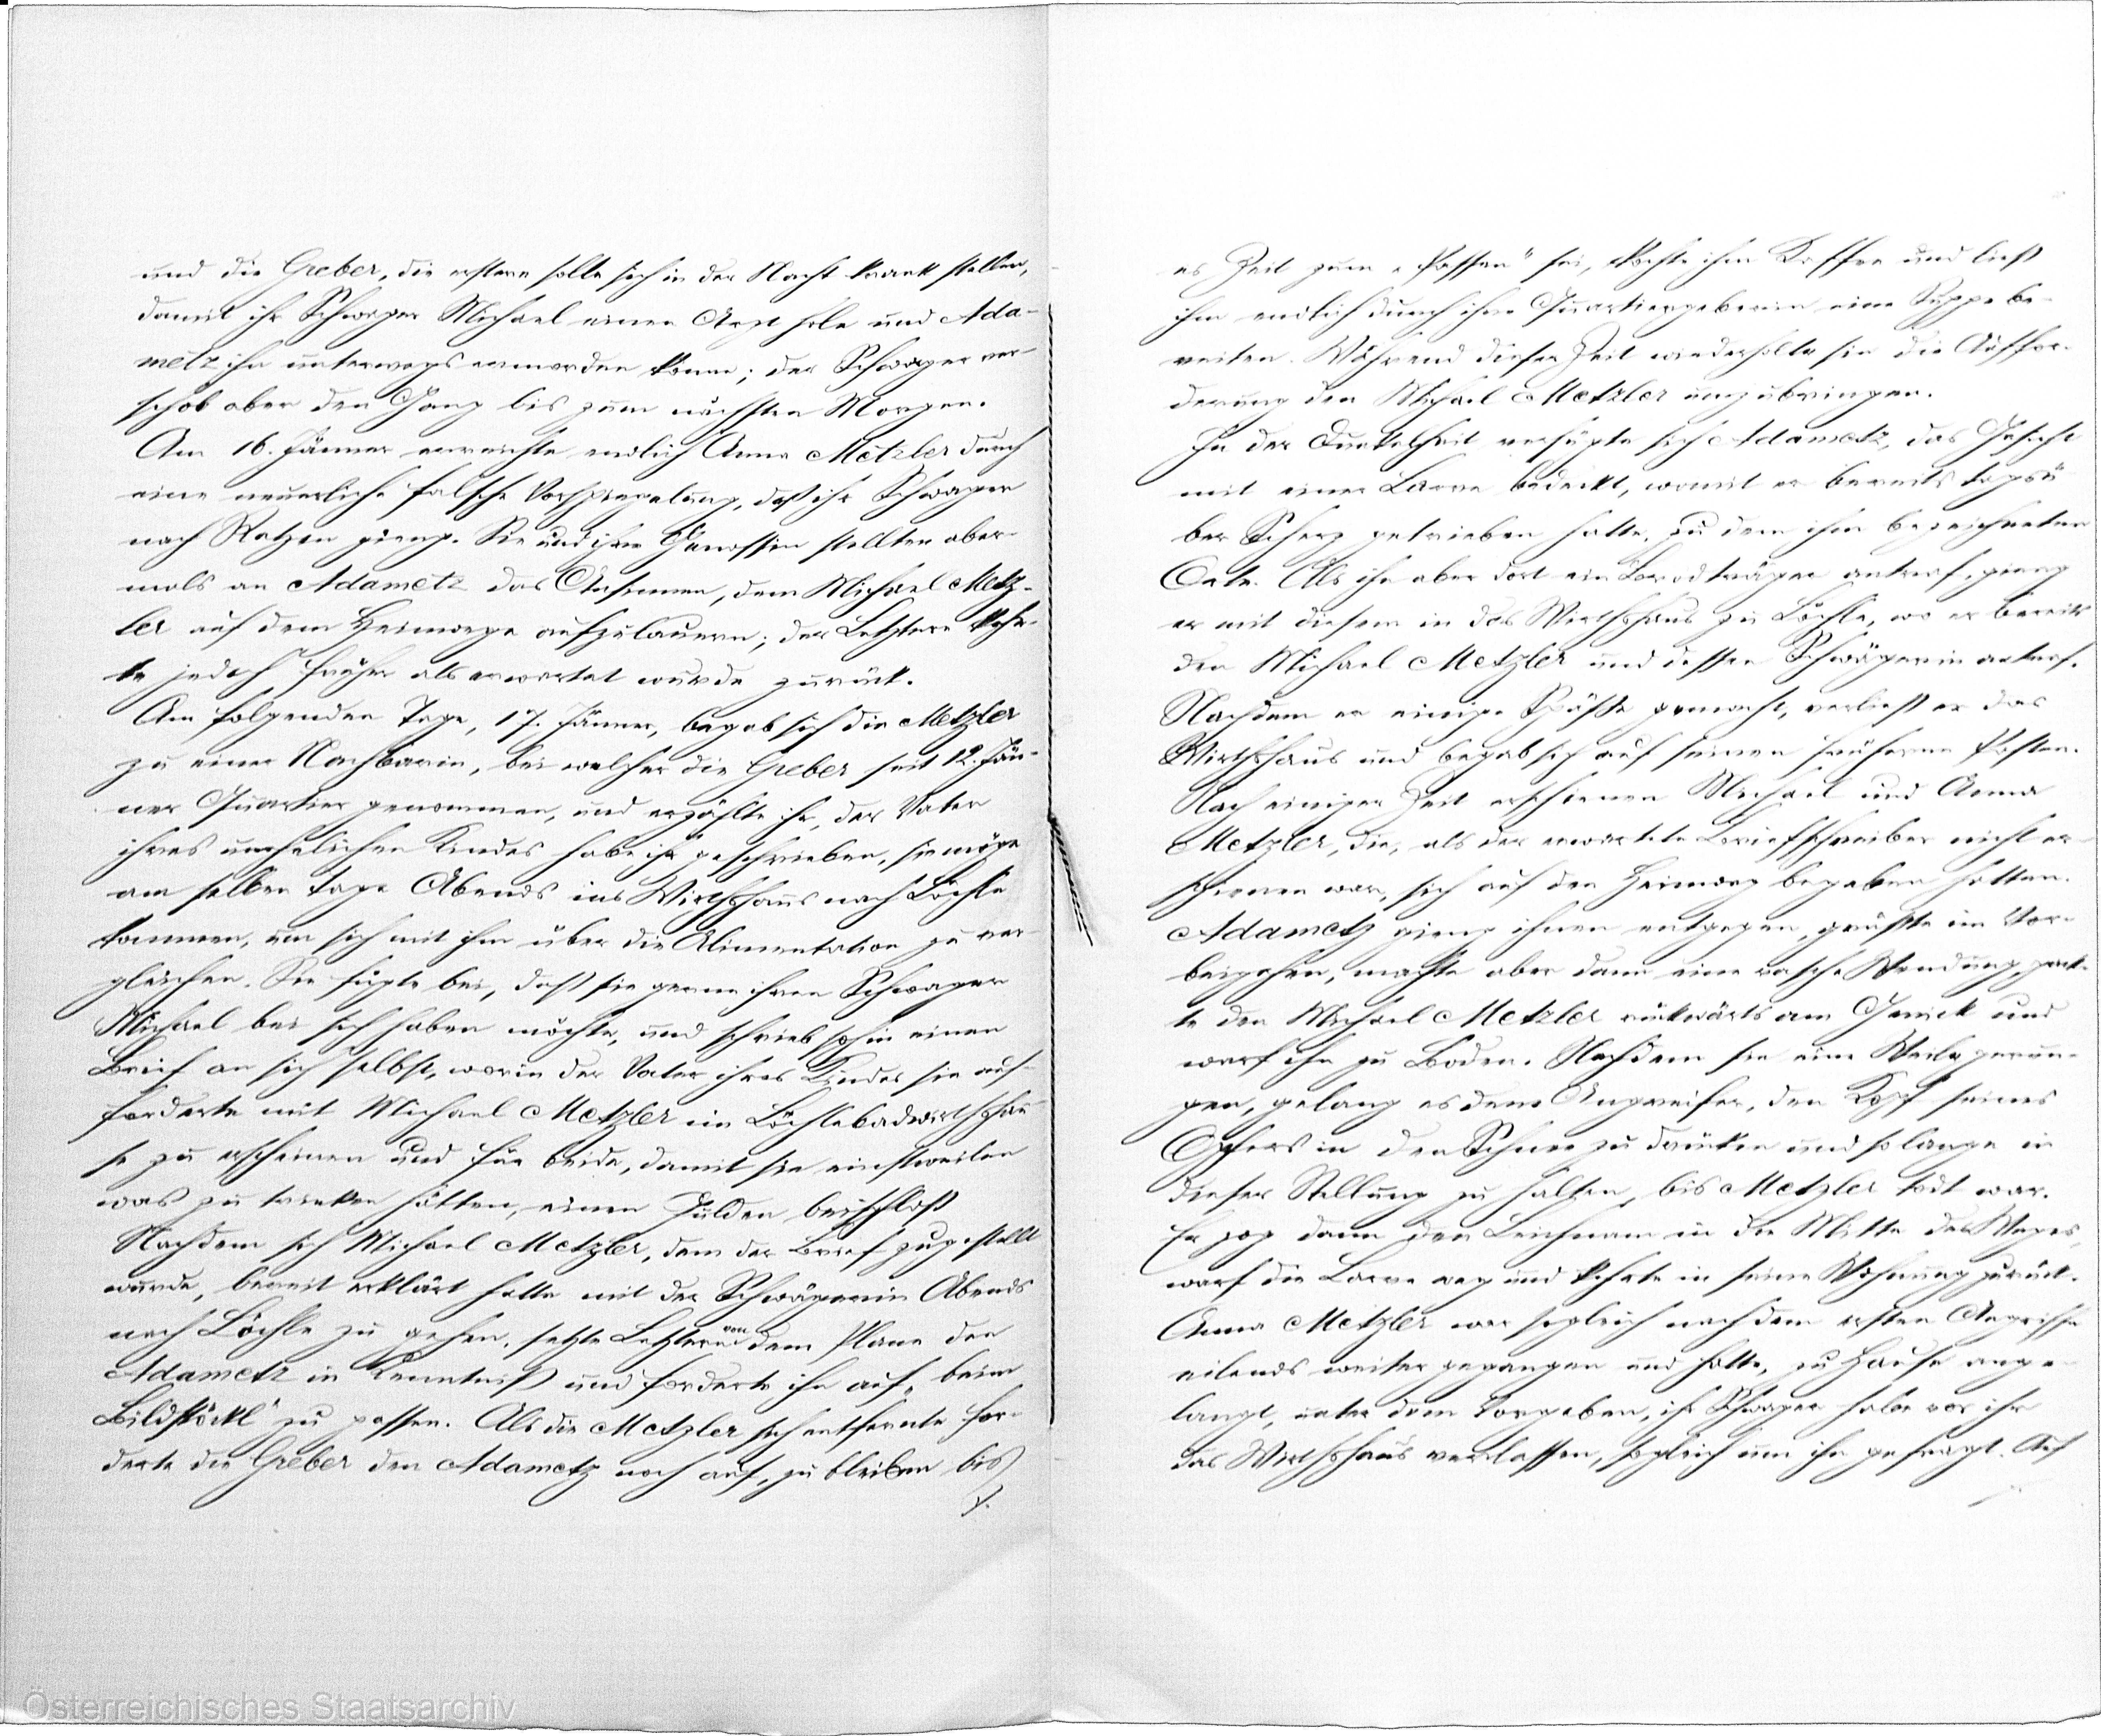und die Greber, die erstere sollte sich in er Nacht krank stellen,
damit ihr Schwager Michael einen Arzt hole und Ada¬
metz ihn unterwegs ermorden könne; der Schwager ver¬
schob aber den Gang bis zum nächsten Morgen.
Am 16. Jänner erreichte endlich Anna Metzler durch
eine neuerliche falsche Vorspiegelung, daß ihr Schwager
nach Ratzen gieng. Sie und ihre Genossin stellten aber¬
mals an Adametz das Ansinnen, dem Michael Metzler
auf dem Heimwege aufzulauern; der Letztere kehrte
jedoch früher als erwartet wurde zurück.
Am folgenden Tage, 17. Jänner, begab sich die Metzler
zu einer Nachbarin, bei welcher die Greber seit 12. Jän¬
ner Quartier genommen, und erzählte ihr, der Vater
ihres unehelichen Kindes habe ihr geschrieben, sie möge
am selben Tage Abends ins Wirtshaus nach Löchte
kommen, um sich mit ihm über die Alimentation zu ver¬
gleichen Sie fügte bei, das sie gerne ihren Schwager
Michael bei sich haben möchte, und schrieb so in einen
Brief an sich selbst, worin der Vater ihres Kindes sie auf¬
forderte mit Michael Metzler im Löchtebadwirthshau¬
se zu erscheinen und für beide, damit sie einstweilen
was zu trinken hätten, einen Gulden beischloß.
Nachdem sich Michael Metzler, dem der Brief zugestellt
wurde, bereit erklärt hatte mit der Schwägerin Abends
von
nach Löchte zu gehen, setzte Letztere dem Plane der
Adamek in Kenntniß und forderte ihn auf, beim
Bildstöckl zu passen. Als die Metzler sich entfernte for¬
derte die Greber den Adametz noch auf, zu blieben bis
es Zeit zum „Passen“ sei, kochte ihm Kaffee und ließ
ihm endlich durch ihre Quartiergeberin eine Suppe be¬
reiten. Während dieser Zeit wiederholte sie die Auffor¬
derung den Michael Metzler umzubringen.
In der Dunkelheit verfügte sich Adametz, das Gesicht
mi einer Larve bedeckt, womit er bereits tagsü¬
ber scherz getrieben hatte, zu dem ihm bezeichneten
Orte. Als ihn aber dort ein Brodträger antraf, gieng
er mit diesem in das Wirthshaus zu Löchte, wo er bereit
den Michael Metzler und dessen Schwägerin antraf.
Nachdem er einige Spässe gemacht, verließ er das
Wirthshaus und begab sich auf seinen früheren Posten.
Nach einiger Zeit erschienen Michael und Anna
Metzler, die, als der erwartete Briefschreiber nicht er¬
schienen war, sich auf den Heimweg begaben hatten.
Adametz gieng ihnen entgegen, grüßte im Vor¬
beigehen, machte aber dann eine rasche Wendung, pek¬
te den Michael Metzler rückwärts am Genick und
warf ihn zu Boden. Nachdem sie eine Weile gerun¬
gen, gelang es dem Angreifer, den Kopf seines
Opfers in den Schnee zu drücken und so lange in
dieser Stellung zu halten, bis Metzler todt war.
Er zog dann den Leichnam in die Mitte des Weges,
warf die Larve weg und kehrte in seine Wohnung zurück.
Anna Metzler war sogleich nach de ersten Angriffe
eilends weiter gegangen und hatte, zu Hause ange¬
langt, unter dem Vorgeben, ihr Schwager habe vor ihr
das Wirthshaus verlassen, sogleich um ihn gefragt. Auf